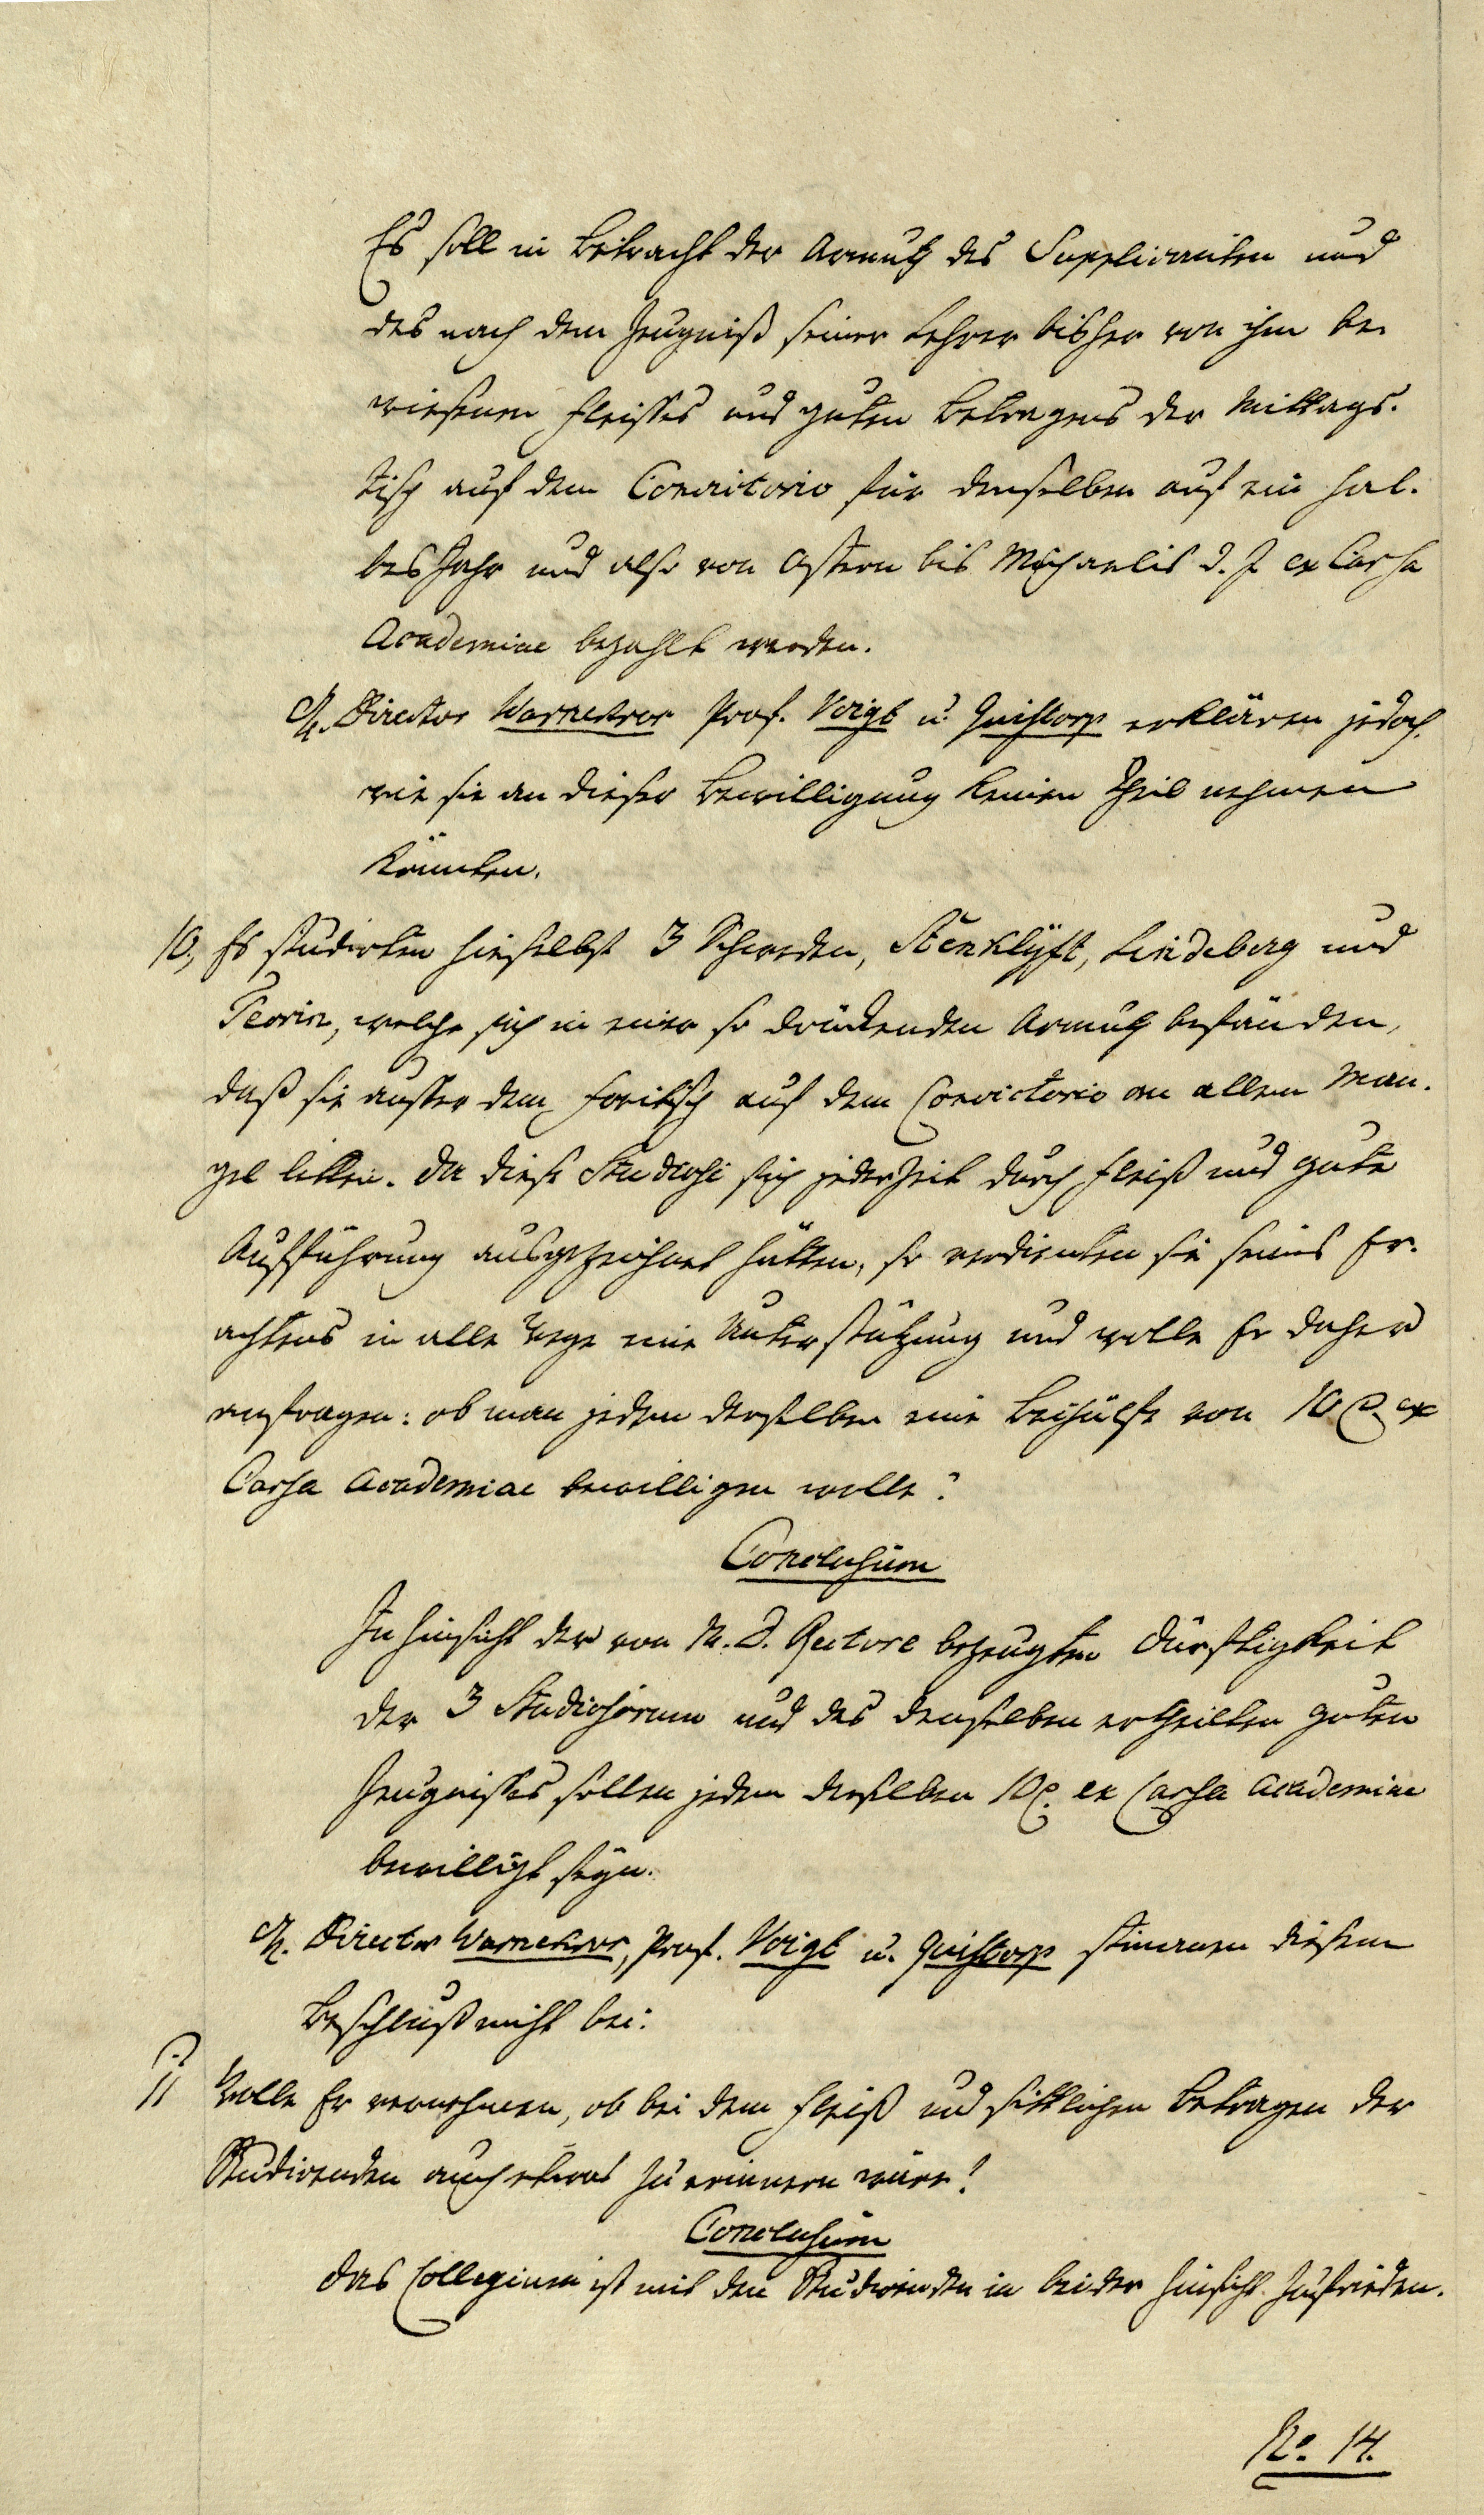Es soll in Betracht der Armuth des Supplicanten und
des nach dem Zeugniß seiner Lehrer bisher von ihm be¬
wiesenen Fleisses und guten Betragens der Mittags¬
Tisch auf dem Convictorio für denselben auf ein hal¬
bes Jahr und also von Ostern bis Michaelis d. J. ex Cassa
Academiae bezahlt werden.
dh. Director Warnekros Prof. Voigt u Quistorp erklären jedoch,
wie sie an dieser Bewilligung keinen Theil nehmen
könnten
10, Es studirten hieselbst 3 Schweden, Stenklÿft, Lindeberg und
Terrin, welche sich in einer so drückenden Armuth befänden,
daß sie ausser dem Freitisch auf dem Convictorio an allem Man¬
gel litten. Da diese Studiosi sich jederzeit durch Fleiß und gute
Aufführung ausgezeichnet hätten, so verdienten sie seines Er¬
achtens in alle Wege eine Unterstützung und wolle Er daher
anfragen: ob man jedem derselben eine Beihülfe von 10l ex
Cassa Academiae bewilligen wolle?
Conclusum
In Hinsicht der von M. D. Rectore bezeugten Dürftigkeit
der 3 Studiosorum und des denselben ertheilten guten
Zeugnisses sollen jedem derselben 10 l. ex Cassa Academie
bewilligt seÿn.
dh. Director Warnekros, Prof. Voigt u. Quistorp. stimmen diesem
Beschluß nicht bei.
11. Wolle Er vernehmen, ob bei dem Fleiß und sittlichen Betragen der
Studirenden auch etwas zu erinnern wäre?
Conclusum
Das Collegium ist mit den Studirenden in beider Hinsicht zufrieden.
No 14.